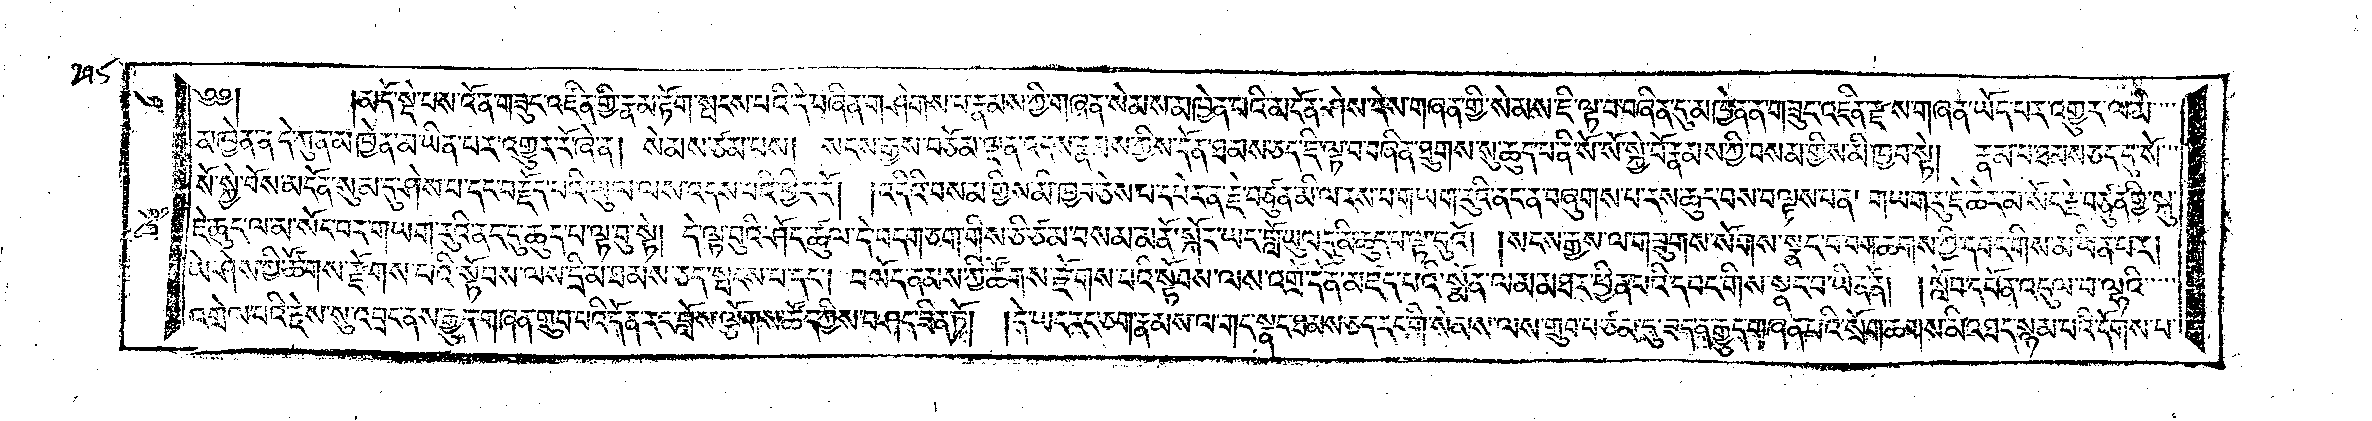༄༅། །མདོ་སྡེ་པས་འོ་ན་གཟུང་འཛིན་གྱི་རྣམ་རྟོག་སྤངས་པའི་དེ་བཞིན་གཤེགས་པ་རྣམས་ཀྱི་གཞན་སེམས་མཁྱེན་པའི་མངོན་ཤེས་དེས་གཞན་གྱི་སེམས་ཇི་ལྟ་བ་བཞིན་དུ་མཁྱེན་ན་གཟུང་འཛིན་རྫས་གཞན་ཡོད་པར་འགྱུར་ལ་མི་
མཁྱེན་ན་དེ་ཀུན་མཁྱེན་མ་ཡིན་པར་འགྱུར་རོ་ཞེ་ན། སེམས་ཙམ་པས། སངས་རྒྱས་བཅོམ་ལྡན་འདས་རྣམས་ཀྱིས་དོན་ཐམས་ཅད་ཇི་ལྟ་བ་བཞིན་ཐུགས་སུ་ཆུད་པ་ནི་སོ་སོ་སྐྱེ་བོ་རྣམས་ཀྱི་བསམ་གྱིས་མི་ཁྱབ་སྟེ། རྣམ་པ་ཐམས་ཅད་དུ་སོ་
སོ་སྐྱེ་བོས་མངོན་སུམ་དུ་ཤེས་པ་དང་བརྗོད་པའི་ཡུལ་ལས་འདས་པའི་ཕྱིར་རོ། །འདིའི་བསམ་གྱིས་མི་ཁྱབ་ཅེས་པ་དཔེར་ན་རྗེ་བཙུན་མི་ལ་རས་པ་གཡག་རུའི་ནང་ན་བཞུགས་པ་རས་ཆུང་བས་བལྟས་པ་ན། གཡག་རུ་ཇེ་ཆེར་མ་སོང་རྗེ་བཙུན་གྱི་སྐུ་
ཇེ་ཆུང་ལ་མ་སོང་བར་གཡག་རུའི་ནང་དུ་ཆུད་པ་ལྟ་བུ་སྟེ། དེ་ལྟ་བུའི་ཤོང་ཚུལ་དེ་བདག་ཅག་གིས་ཅི་ཙམ་བསམ་མནོ་སྐོར་ཡང་གློ་ཡུལ་དུ་མི་ཆུད་པ་ལྟ་བུའོ། །སངས་རྒྱས་ལ་གཟུགས་སོགས་སྣང་བ་བག་ཆགས་ཀྱི་དབང་གིས་མ་ཡིན་པར།
ཡེ་ཤེས་ཀྱི་ཚོགས་རྫོགས་པའི་སྟོབས་ལས་དྲི་མ་ཐམས་ཅད་སྤངས་པ་དང་། བསོད་ནམས་ཀྱི་ཚོགས་རྫོགས་པའི་སྟོབས་ལས་འགྲོ་དོན་མཛད་པའི་སྨོན་ལམ་མཐར་ཕྱིན་པའི་དབང་གིས་སྣང་བ་ཡིན་ནོ། །སློབ་དཔོན་འདུལ་བ་ལྷའི་
འགྲེལ་པའི་རྗེས་སུ་འབྲང་ནས་རྒྱུད་གཞན་གྲུབ་པའི་དོན་རང་བློས་ལྕོགས་ཚོད་ཀྱིས་བཤད་ཟིན་ཏོ། །དེ་ཡང་རང་ཅག་རྣམས་ལ་གང་སྣང་ཐམས་ཅད་རང་གི་སེམས་ལས་གྲུབ་པ་ཙམ་དུ་ཟད་ན་རྒྱུད་གཞན་པའི་སྲོག་ཆགས་མི་འཐད་སྙམ་པའི་དོགས་པ་